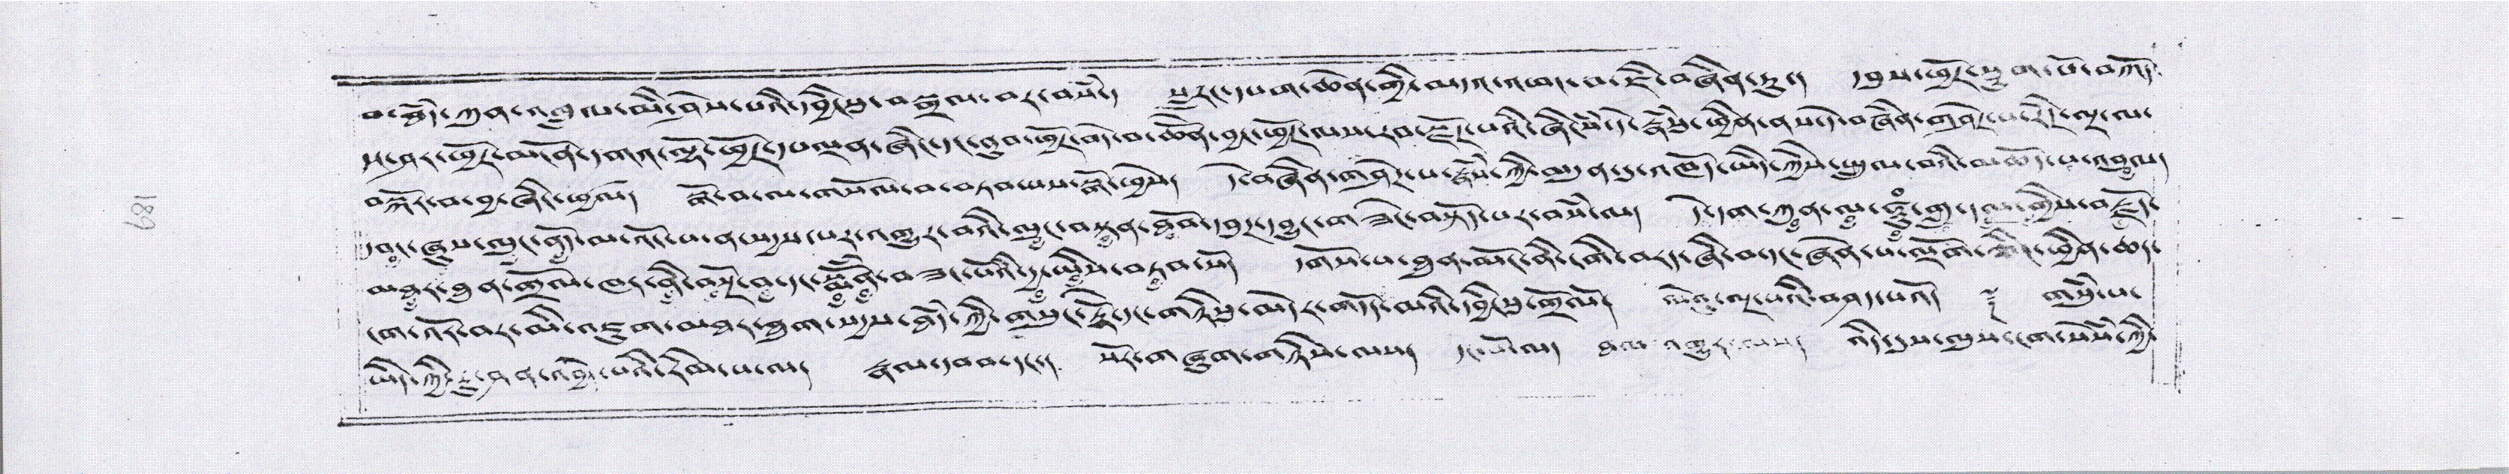བ་ཐམས་ཅད་ཀུན་འཁྲུལ་མི་ཤེས་པའི་དབྱིངས་སུ་བསྒྲལ་བར་བསམ། སླར་ཡང་དཔག་ཆེན་གྱི་མདའ་འཕང་བ་ཇི་བཞིན་དུ་དབུས་ཕྱོགས་སྟུག་པོ་བཀོད་
དང་། ཤར་ཕྱོགས་མངོན་དགའ། ལྷོ་ཕྱོགས་དཔལ་ལྡན་ཞིང་། ནུབ་ཕྱོགས་བདེ་བ་ཆེན་པོ། བྱང་ཕྱོགས་ལས་རབ་རྫོགས་པའི་ཞིང་ཁམས་དེ་རྣམས་སུ་ཕྱིན་ནས་དེ་བཞིན་གཤེགས་པ་རིགས་ལྔ་ལ་
བསྐོར་བ་བྱས་ཤིང་ཕྱག་འཚལ། སྒོ་བ་ལ་གསོལ་བ་བཏབ་པས་སྒོ་ཕྱེས། དེ་བཞིན་གཤེགས་པ་རྣམས་ཀྱི་མདུན་དུ་འཁོད། ཡིད་ཀྱིས་སྤྲུལ་པའི་མཆོད་པ་འབུལ། 
དབང་ཞུས་ལུང་ནོད་མ་འོངས་པ་ན་སངས་རྒྱས་པར་འགྱུར་བའི་ལུང་བསྟན་ཐོབ། དབུགས་དབྱུང་གཟེངས་བསྟོད་པར་བསམ་ལ། དེ་དག་ཀུན་ལ་ཧཱུཾ་གླུ་དལ་གྱིས་བརྗོད། 
མཐར་ཐུན་གྲོལ་ཁར་ནི་བསྔོ་བ་དང་སྨོན་ལམ་བཟང་པོའི་རྒྱ་ཡིས་བཏབ་བོ། དགོས་པ་ཐུན་མོང་ནི་ངག་གི་བར་ཆད་ཞི་བ་དང་། ཞེན་པ་ལྡོག་ཅིང་ཕྱིན་ཆད་
ངག་འཁོར་བར་མི་འཇུག་མཐར་ཐུག་སངས་རྒྱས་ཐམས་ཅད་ཀྱི་གསུང་རྡོ་རྗེ་དང་གཉིས་སུ་མེད་པར་རྡོ་རྗེའི་དབྱིངས་སུ་གྲོལ་ལོ། ལེའུ་ལྔ་ཡི་བཤད་པའོ། །གསུམ་
ཡིད་ཀྱི་རུ་ཤན་འབྱེད་པའི་རིམ་པ་ལ། རྣལ་དབབ་དང་། སོར་གཞུག་གཉིས་ལས། དང་པོ་ལ། ཐལ་འགྱུར་ལས། འདི་དུས་ལུས་ངག་སེམས་ཀྱི་